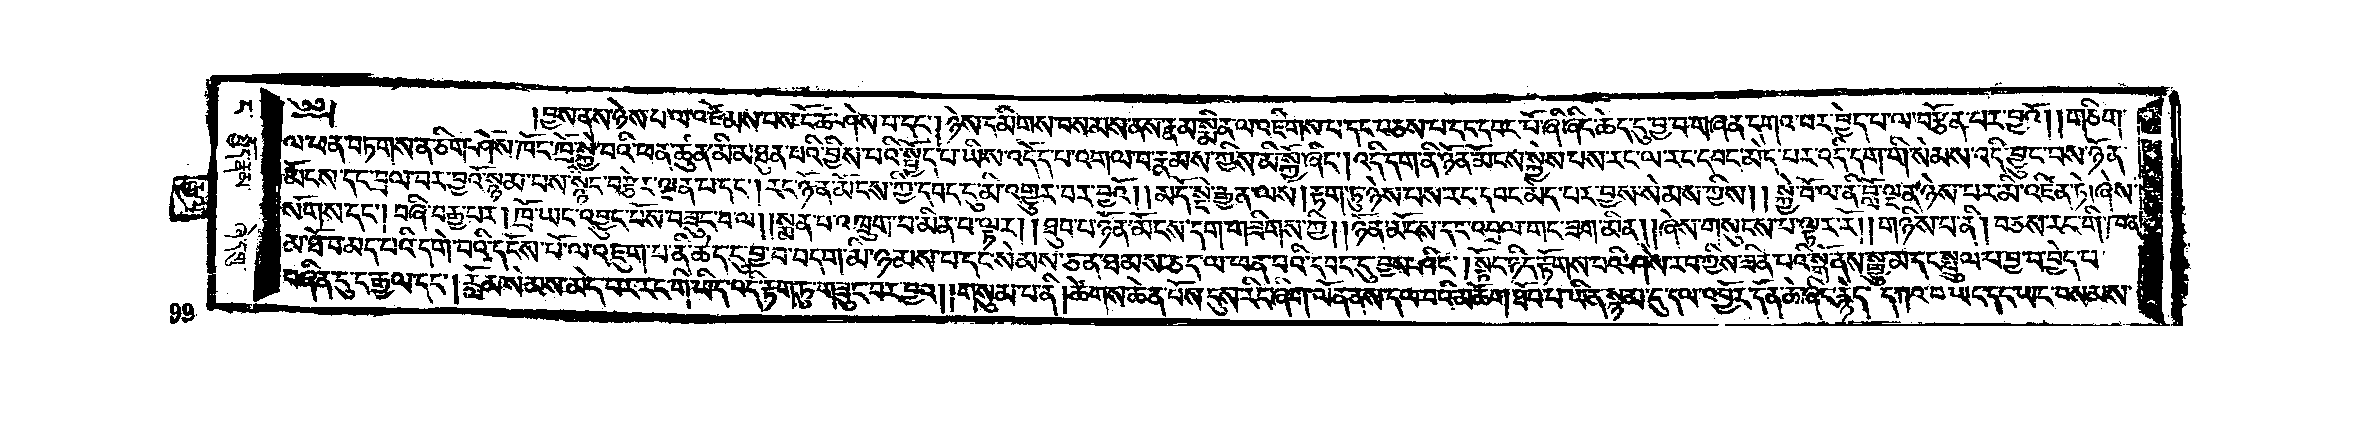༄༅། །བྱས་ནས་ཉེས་པ་ལ་འཛེམས་པས་ངོ་ཚ་ཤེས་པ་དང་། ཉེས་དམིགས་བསམས་ནས་རྣམ་སྨིན་ལ་འཇིགས་པ་དང་བཅས་པ་དང་དབང་པོ་ཞི་ཞིང་ཆེད་དུ་བྱ་བ་གཞན་དགའ་བར་བྱེད་པ་ལ་བརྩོན་པར་བྱའོ། །གཅིག་
ལ་ཕན་བཏགས་ན་ཅིག་ཤོས་ཁོང་ཁྲོ་སྐྱེ་བའི་ཕན་ཚུན་མི་མཐུན་པའི་བྱིས་པའི་སྤྱོད་པ་ཡིས་འདོད་པ་འགལ་བ་རྣམས་ཀྱིས་མི་སྐྱོ་ཞིང་། འདི་དག་ནི་ཉོན་མོངས་སྐྱེས་པས་རང་ལ་རང་དང་མེད་པར་འདི་དག་གི་སེམས་འདི་བྱུང་བས་ཉོན་
མོངས་དང་བྲལ་བར་བྱའོ་སྙམ་པས་སྙིང་བརྩེར་ལྡན་པ་དང་། རང་ཉོན་མོངས་ཀྱི་དབང་དུ་མི་འགྱུར་བར་བྱའོ། །མདོ་སྡེ་རྒྱན་ལས། རྟག་ཏུ་ཉེས་པས་རང་དབང་མེད་པར་བྱས་སེམས་ཀྱིས། །སྐྱེ་བོ་ལ་ནི་བློ་ལྡན་ཉེས་པར་མི་འཛིན་ཏེ། ཞེས་
སོགས་དང་། བཞི་བརྒྱ་པར། ཁྲོ་ཡང་འབྱུང་པོས་བཟུང་བ་ལ། །སྨན་པ་འཁྲུག་པ་མིན་པ་ལྟར། །ཐུབ་པ་ཉོན་མོངས་དག་གཟིགས་ཀྱི། །ཉོན་མོངས་དང་འབྲལ་གང་ཟག་མིན། །ཞེས་གསུངས་པ་ལྟར་རོ། །གཉིས་པ་ནི། བཅས་རང་གི་ཁ་ན་
མ་ཐོ་བ་མེད་པའི་དགེ་བའི་དངོས་པོ་ལ་འཇུག་པ་ནི་ཚད་དུ་བྱ་བ་བདག་མི་ཉམས་པ་དང་སེམས་ཅན་ཐམས་ཅད་ལ་ཕན་པའི་དབང་དུ་བྱས་ཤིང་། སྟོང་ཉིད་རྟོགས་པའི་ཤེས་རབ་ཀྱིས་ཟིན་པའི་སྒོ་ནས་སྒྱུ་མ་དང་སྤྲུལ་པ་བྱ་བ་བྱེད་པ་
བཞིན་དུ་ང་རྒྱལ་དང་། རློམ་སེམས་མེད་པར་རང་གི་ཡིད་འདི་རྟག་ཏུ་གཟུང་བར་བྱའོ། །གསུམ་པ་ནི། ཚེགས་ཆེན་པོས་དུས་རིང་ཞིག་ལོན་ནས་དལ་བའི་མཆོག་ཐོབ་པ་ཡིན་སྙམ་དུ་དལ་འབྱོར་དོན་ཆེ་ཞིང་རྙེད་དཀའ་བ་ཡང་དང་ཡང་བསམས་